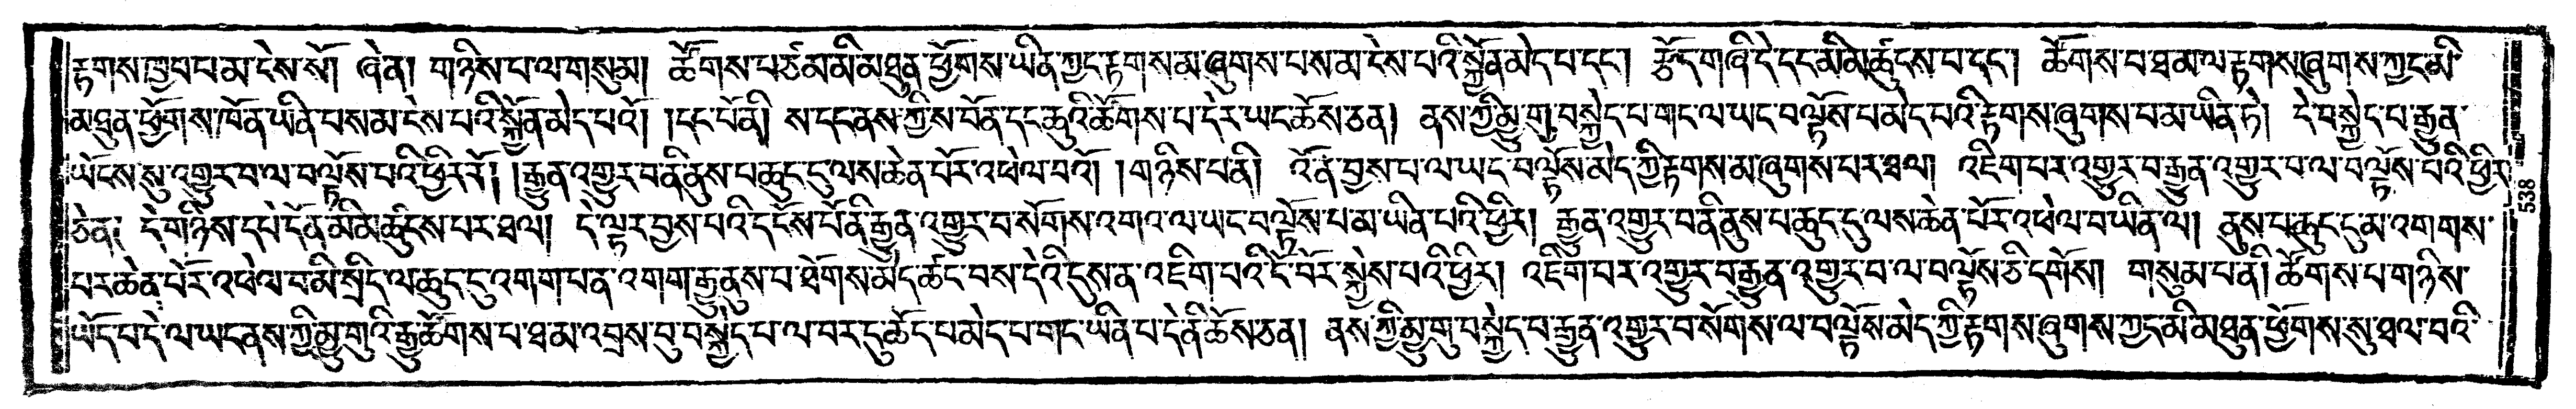རྟགས་ཁྱབ་པ་མ་ངེས་སོ། ཞེ་ན། གཉིས་པ་ལ་གསུམ། ཚོགས་པ་ཙམ་མི་མཐུན་ཕྱོགས་ཡིན་ཀྱང་རྟགས་མ་ཞུགས་པས་མ་ངེས་པའི་སྐྱོན་མེད་པ་དང་། རྩོད་གཞི་དེ་དང་མི་མཚུངས་པ་དང་། ཚོགས་པ་ཐ་མ་ལ་རྟགས་ཞུགས་ཀྱང་མི་
མཐུན་ཕྱོགས་ཁོ་ན་ཡིན་པས་མ་ངེས་པའི་སྐྱོན་མེད་པའོ། །དང་པོ་ནི། ས་དང་ནས་ཀྱི་ས་བོན་དང་ཆུའི་ཚོགས་པ་དེར་ཡང་ཆོས་ཅན། ནས་ཀྱི་མྱུ་གུ་བསྐྱེད་པ་གང་ལ་ཡང་བལྟོས་པ་མེད་པའི་རྟགས་ཞུགས་པ་མ་ཡིན་ཏེ། དེ་བསྐྱེད་པ་རྒྱུན་
ཡོངས་སུ་འགྱུར་བ་ལ་བལྟོས་པའི་ཕྱིར་རོ། །རྒྱུན་འགྱུར་བ་ནི་ནུས་པ་ཆུང་ངུ་ལས་ཆེན་པོར་འཕེལ་བའོ། །གཉིས་པ་ནི། འོ་ན་བྱས་པ་ལ་ཡང་བལྟོས་མེད་ཀྱི་རྟགས་མ་ཞུགས་པར་ཐལ། འཇིག་པར་འགྱུར་བ་རྒྱུན་འགྱུར་བ་ལ་བལྟོས་པའི་ཕྱིར་
ཅེ་ན། དེ་གཉིས་དཔེ་དོན་མི་མཚུངས་པར་ཐལ། དེ་ལྟར་བྱས་པའི་དངོས་པོ་ནི་རྒྱུན་འགྱུར་བ་སོགས་འགའ་ལ་ཡང་བལྟོས་པ་མ་ཡིན་པའི་ཕྱིར། རྒྱུན་འགྱུར་བ་ནི་ནུས་པ་ཆུང་ངུ་ལས་ཆེན་པོར་འཕེལ་བ་ཡིན་ལ། ནུས་པ་ཆུང་ངུ་མ་འགགས་
པར་ཆེན་པོར་འཕེལ་བ་མི་སྲིད་ལ་ཆུང་ངུ་འགག་པ་ན་འགག་རྒྱུ་ནུས་པ་ཐོགས་མེད་ཚང་བས་དེའི་དུས་ན་འཇིག་པའི་ངོ་བོར་སྐྱེས་པའི་ཕྱིར། འཇིག་པར་འགྱུར་བ་རྒྱུན་འགྱུར་བ་ལ་བལྟོས་ཅི་དགོས། གསུམ་པ་ནི། ཚོགས་པ་གཉིས་
ཡོད་པ་དེ་ལ་ཡང་ནས་ཀྱི་མྱུ་གུའི་རྒྱུ་ཚོགས་པ་ཐ་མ་འབྲས་བུ་བསྐྱེད་པ་ལ་བར་དུ་ཆོད་པ་མེད་པ་གང་ཡིན་པ་དེ་ནི་ཆོས་ཅན། ནས་ཀྱི་མྱུ་གུ་བསྐྱེད་བ་རྒྱུན་འགྱུར་བ་སོགས་ལ་བལྟོས་མེད་ཀྱི་རྟགས་ཞུགས་ཀྱང་མི་མཐུན་ཕྱོགས་སུ་ཐལ་བའི་